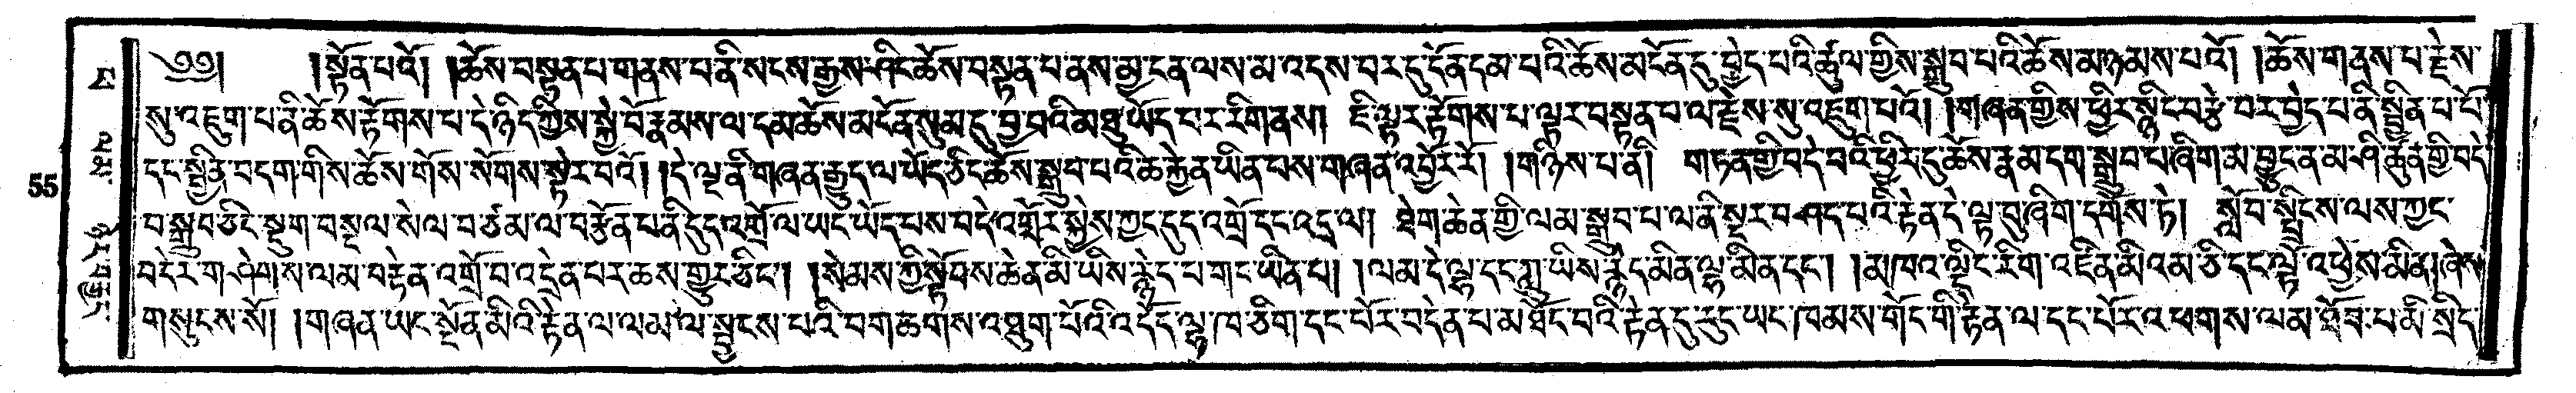༄༅། །སྟོན་པའོ། །ཆོས་བསྟན་པ་གནས་པ་ནི་སངས་རྒྱས་ཤིང་ཆོས་བསྟན་པ་ནས་མྱ་ངན་ལས་མ་འདས་བར་དུ་དོན་དམ་པའི་ཆོས་མངོན་དུ་བྱེད་པའི་ཚུལ་གྱིས་སྒྲུབ་པའི་ཆོས་མཉམས་པའོ། །ཆོས་གནས་པ་རྗེས་
སུ་འཇུག་པ་ནི་ཆོས་རྟོགས་པ་དེ་ཉིད་ཀྱིས་སྐྱེ་བོ་རྣམས་ལ་དམ་ཆོས་མངོན་སུམ་དུ་བྱ་བའི་མཐུ་ཡོད་པར་རིག་ནས། ཇི་ལྟར་རྟོགས་པ་ལྟར་བསྟན་པ་ལ་རྗེས་སུ་འཇུག་པའོ། །གཞན་གྱིས་ཕྱིར་སྙིང་བརྩེ་བར་བྱེད་པ་ནི་སྦྱིན་པ་པོ་
དང་སྦྱིན་བདག་གིས་ཆོས་གོས་སོགས་སྟེར་བའོ། །དེ་ལྔ་ནི་གཞན་རྒྱུད་ལ་ཡོད་ཅིང་ཆོས་སྒྲུབ་པའི་ཆ་རྐྱེན་ཡིན་པས་གཞན་འབྱོར་རོ། །གཉིས་པ་ནི། གཏན་གྱི་བདེ་བའི་ཕྱིར་དུ་ཆོས་རྣམ་དག་སྒྲུབ་པ་ཞིག་མ་བྱུང་ན་མ་ཤི་ཚུན་གྱི་བདེ་
བ་སྒྲུབ་ཅིང་སྡུག་བསྔལ་སེལ་བ་ཙམ་ལ་བརྩོན་པ་ནི་དུད་འགྲོ་ལ་ཡང་ཡོད་པས་བདེ་འགྲོར་སྐྱེས་ཀྱང་དུད་འགྲོ་དང་འདྲ་ལ། ཐེག་ཆེན་གྱི་ལམ་སྒྲུབ་པ་ལ་ནི་སྔར་བཤད་པའི་རྟེན་དེ་ལྟ་བུ་ཞིག་དགོས་ཏེ། སློབ་སྤྲིངས་ལས་ཀྱང་
བདེར་གཤེགས་ལམ་བརྟེན་འགྲོ་བ་འདྲེན་པར་ཆས་གྱུར་ཅིང་། །སེམས་ཀྱི་སྟོབས་ཆེན་མི་ཡིས་རྙེད་པ་གང་ཡིན་པ། །ལམ་དེ་ལྷ་དང་ཀླུ་ཡིས་རྙེད་མིན་ལྷ་མིན་དང་། །མཁའ་ལྡིང་རིག་འཛིན་མིའམ་ཅི་དང་ལྟོ་འཕྱེས་མིན། ཞེས་
གསུངས་སོ། །གཞན་ཡང་སྔོན་མིའི་རྟེན་ལ་ལམ་ལ་སྦྱངས་པའི་བག་ཆགས་འཐུག་པོའི་འདོད་ལྷ་ཁ་ཅིག་དང་པོར་བདེན་པ་མ་ཐོང་བའི་རྟེན་དུ་རུང་ཡང་ཁམས་གོང་གི་རྟེན་ལ་དང་པོར་འཕགས་ལམ་ཐོབ་པ་མི་སྲིད་